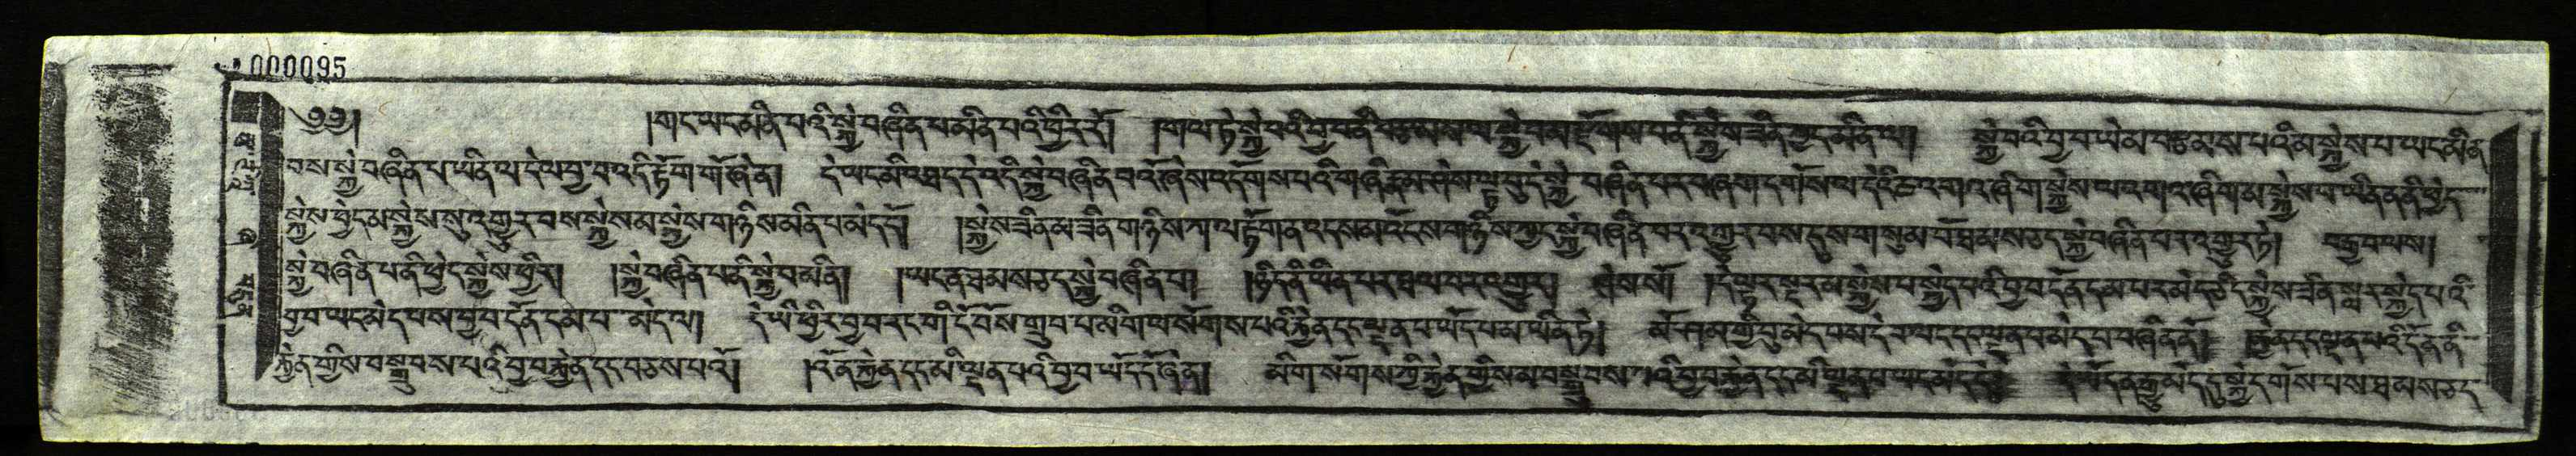༄༅། །གང་ཡང་མིན་པའི་སྐྱེ་བཞིན་པ་མིན་པའི་ཕྱིར་རོ། །གལ་ཏེ་སྐྱེ་བའི་བྱ་བ་ནི་བརྩམས་ལ་སྐྱེ་བ་མ་རྫོགས་པ་ནི་སྐྱེས་ཟིན་ཀྱང་མིན་ལ། སྐྱེ་བའི་བྱ་བ་ཡི་མ་བརྩམས་པའི་མ་སྐྱེས་པ་ཡང་མིན་
བས་སྐྱེ་བཞིན་པ་ཡིན་ལ་དེ་ལ་བྱ་བ་འདི་རྟོག་གོ་ཞེ་ན། དེ་ཡང་མི་འཐད་དེ་འདི་སྐྱེ་བཞིན་པའོ་ཞེས་འདོགས་པའི་གཞི་རྣམ་ཤེས་ལྟ་བུ་དེ་སྐྱེ་བཞིན་པར་བཞག་དགོས་ལ་དེའི་ཆ་འགའ་ཞིག་སྐྱེས་ལ་འགའ་ཞིག་མ་སྐྱེས་པ་ཡིན་ན་ནི་ཕྱེད་
སྐྱེས་ཕྱེད་མ་སྐྱེས་སུ་འགྱུར་བས་སྐྱེས་མ་སྐྱེས་གཉིས་མིན་པ་མེད་དོ། །སྐྱེས་ཟིན་མ་ཟིན་གཉིས་ཀ་ལ་རྟོག་ན་འདས་མ་འོངས་གཉིས་ཀྱང་སྐྱེ་བཞིན་བར་འགྱུར་བས་དུས་གསུམ་པོ་ཐམས་ཅད་སྐྱེ་བཞིན་པར་འགྱུར་ཏེ། བརྒྱ་བ་ལས།
སྐྱེ་བཞིན་པ་ནི་ཕྱེད་སྐྱེས་ཕྱིར། །སྐྱེ་བཞིན་པ་ནི་སྐྱེ་བ་མིན། །ཡང་ན་ཐམས་ཅད་སྐྱེ་བཞིན་པ། །ཉིད་ནི་ཡིན་པར་ཐལ་བར་འགྱུར། ཞེས་སོ། །དེ་ལྟར་སྔར་མ་སྐྱེས་པ་སྐྱེད་པའི་བྱ་བ་དོན་དམ་པར་མེད་ཅིང་སྐྱེས་ཟིན་སླར་སྐྱེད་པའི་
བྱ་བ་ཡང་མེད་པས་བྱ་བ་དོན་དམ་པ་མེད་ལ། དེ་ཡི་ཕྱིར་བྱ་བ་རང་གི་ངོ་བོས་གྲུབ་པ་མིག་ལ་སོགས་པའི་རྐྱེན་དང་ལྡན་པ་ཡོད་པ་མ་ཡིན་ཏེ། མོ་ཤམ་གྱི་བུ་མེད་པས་དེ་བ་ལང་དང་ལྡན་པ་མེད་པ་བཞིན་ནོ། །རྐྱེན་དང་ལྡན་པའི་དོན་ནི་
རྐྱེན་གྱིས་བསྒྲུབས་པའི་བྱ་བ་རྐྱེན་དང་བཅས་པའོ། །འོ་ན་རྐྱེན་དང་མི་ལྡན་པའི་བྱ་བ་ཡོད་དོ་ཞེ་ན། མིག་སོགས་ཀྱི་རྐྱེན་གྱིས་མ་བསྒྲུབས་པའི་བྱ་བ་རྐྱེན་དང་མི་ལྡན་པ་ཡང་མེད་དེ། དེ་ཡོད་ན་རྒྱུ་མེད་དུ་སྐྱེ་དགོས་པས་ཐམས་ཅད་